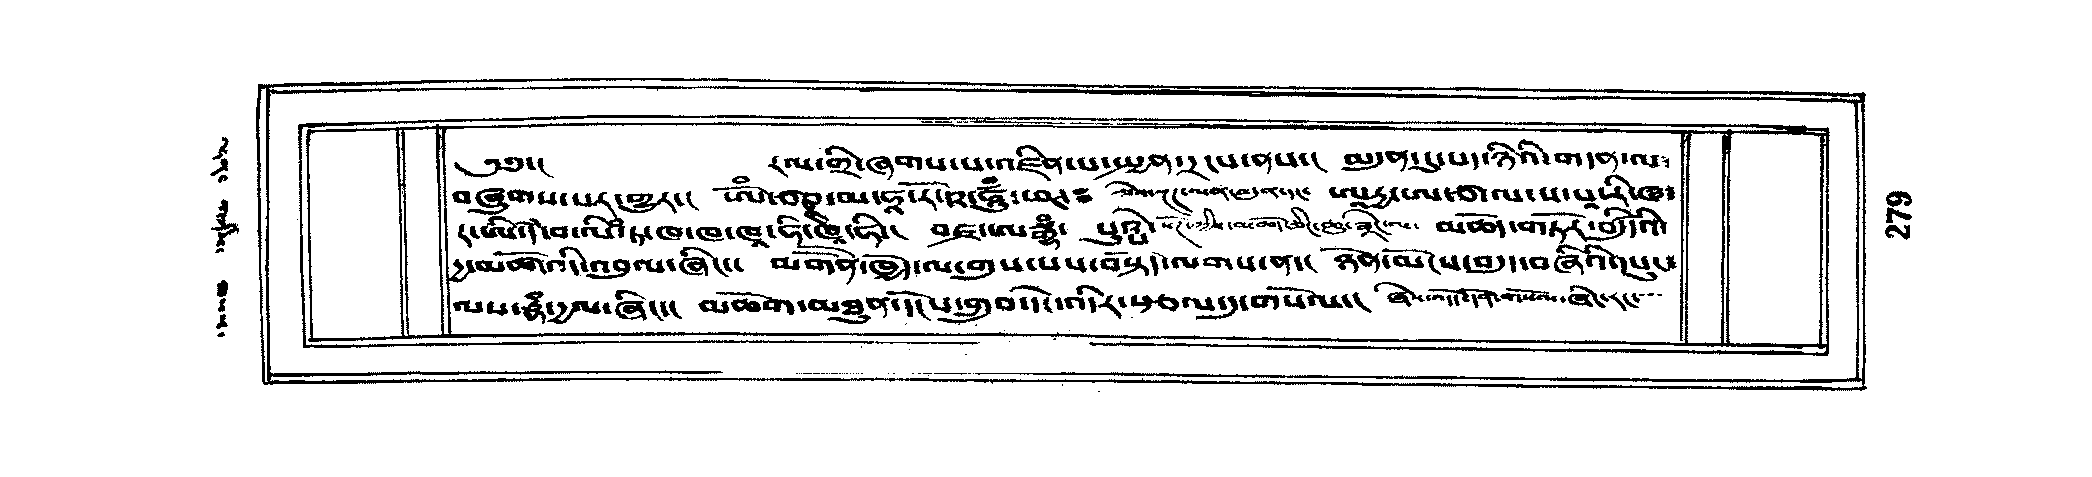རལ་གྲི་ཞགས་པ་འཛིན་པ་སྤྱན་དྲངས་ནས། །མདུན་དུ་པད་ཉིའི་གདན་ལ་
བཞུགས་པར་གྱུར། །ཨོྃ་ཙཎྜ་མ་ཧཱ་རོ་ར་ཧཱུྃ་ཕཊཿ ཅེས་སྔགས་ལན་བདུན་དང་། ཨཱརྻ་ཨ་ཙ་ལ་ས་པཱ་རི་ཝ་
ར་ཨི་དཾ་བ་ལིཾ་ཏ་ཁ་ཁ་ཁཱ་ཧི་ཁཱ་ཧི། བཛྲ་ཨརྒྷཾ། པུཥྤེ། སོགས་ཀྱིས་མཆོད་ཅིང་ཆུ་སྦྲེང་ལ། མཆོད་གཏོར་བདུད་རྩིའི་
རྒྱ་མཚོ་འདི་འབུལ་ཞིང་། །མགོན་པོ་ཁྱོད་ལ་གུས་པས་བསྟོད་ལགས་ན། །ཉོན་མོངས་བདུད་བཞིའི་དཔུང་
ལས་རྣམ་རྒྱལ་ཞིང་། །མཆོག་ཐུན་དངོས་གྲུབ་དེང་འདིར་སྩལ་དུ་གསོལ། ཞེས་འདོད་དོན་གསོལ་ཞིང་རང་